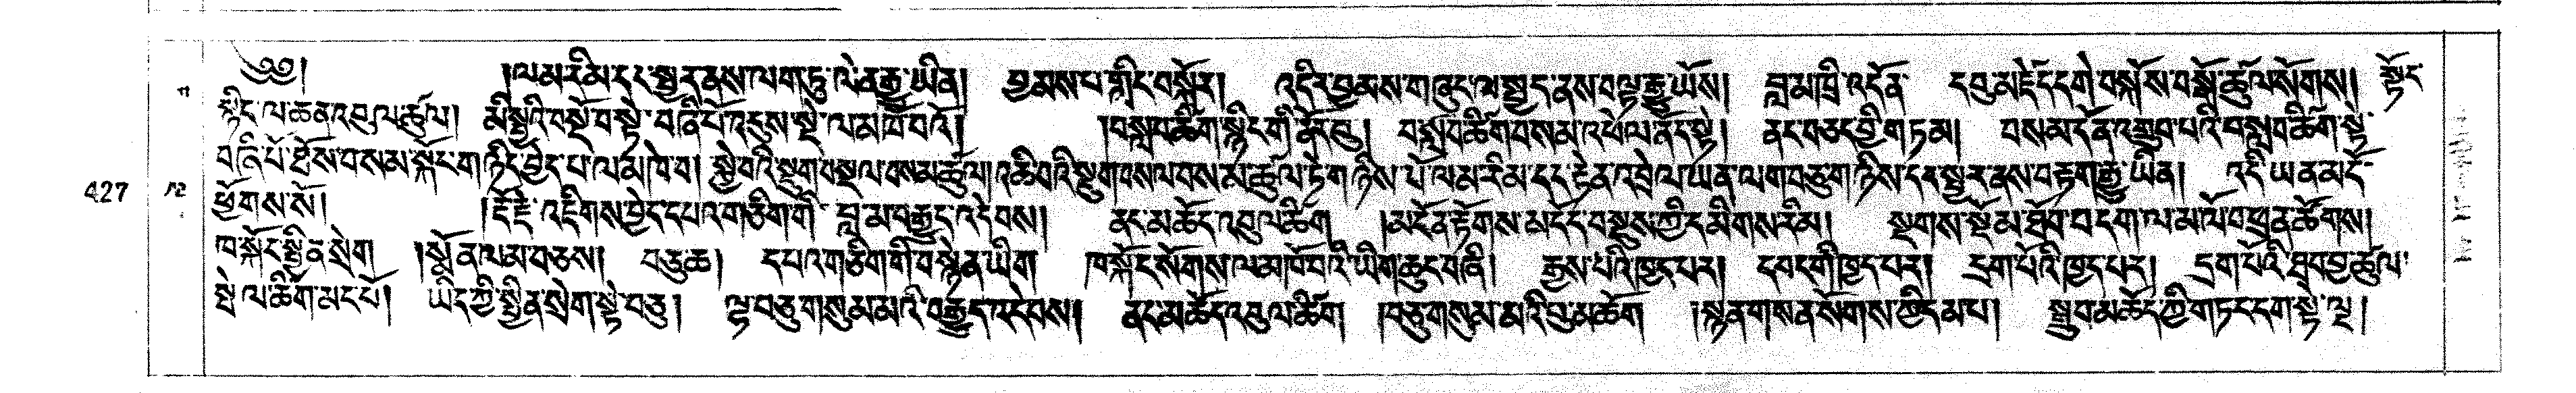༄༅། །ལམ་རིམ་དང་སྤྱར་ནས་ལག་ཏུ་ལེན་རྒྱུ་ཡིན། བྱམས་པ་གླིང་བསྐོར། འདིར་བྱམས་གཞུང་ལ་སྤྱད་ནས་བལྟ་རྒྱུ་ཡོས། བླ་མཁྲི་འདོན་དབུ་མཛེད་དགེ་བསྐོས་བསྒོ་ཚུལ་སོགས། སྟོང་
སྙིང་ལ་ཆན་འབུལ་ཚུལ། མི་སྤྱིའི་བསྡོ་བསྟེ་བཞི་པོ་འདུས་སྡེ་ལ་མཁོ་བའོ། །བསླབ་ཚིག་སྙིང་གི་ནོར་བུ། བསླབ་ཚིག་བསམ་འཕེལ་ནོད་སྟེ། ནང་བཅད་བྱི་གཏམ། བསམ་དོན་འགྲུབ་པའི་བསླབ་ཚིག་སྟེ་
བཞི་པོ་ཐོས་བསམ་སྐོང་གཉིད་བྱེད་པ་ལ་མཁེ་བ། སྐྱེ་བའི་སྡུག་བསྔལ་བསམ་ཚུལ། འཆི་བའི་སྡུག་བསལ་བསམ་ཚུལ་ཏེ་གཉིས་པོ་ལམ་རིམ་དང་རྟེན་འབྲེལ་ཡན་ལག་བཅུ་གཉིས་དང་སྦྱར་ནས་བརྟག་རྒྱུ་ཡིན། འདི་ཡན་མདོ་
ཕྱོགས་སོ། །རྡོ་རྗེ་འཇིགས་བྱེད་དཔའ་གཅིག་གི་བླ་མ་བརྒྱུད་འདེབས། ནང་མཆོད་འབུལ་ཚིག །མངོན་རྟོགས་མདོད་བསྡུས་ཀྱི་དམིགས་རིམ། སྔགས་སྡོམ་ཐོབ་བདག་ལ་མ་ལོ་བ་ཕྲན་ཚོགས།
ཁ་སྐོང་སྦྱིན་སྲེག །སྨོན་ལམ་བཅས། བཅུ་ཆ། དཔའ་གཅིག་གི་བསྙེན་ཡིག་ཁ་སྐོང་སོགས་ལ་མཁོ་བའི་ཡིག་ཆུང་བཞི། རྒྱས་པའི་ཁྱད་པར། དབང་གི་ཁྱད་པར། དྲག་པོའི་ཁྱད་པར། དྲག་པོའི་ཐབ་བྱ་ཚུལ།
སྤེལ་ཚིག་མང་པོ། ཡིད་ཀྱི་སྤྱིན་སྲེག་སྟེ་བཅུ། ལྷ་བཅུ་གསུམ་མའི་བརྒྱུད་འདེབས། ནང་མཆོད་འབུལ་ཚིག །བཅུ་གསུམ་མའི་བུ་མཆོག །སྙན་གསན་སོགས་ཀྱི་དམ་པ། སྒྲུབ་མཆོད་ཀྱི་གཏང་དག་སྟེ་ལྔ།